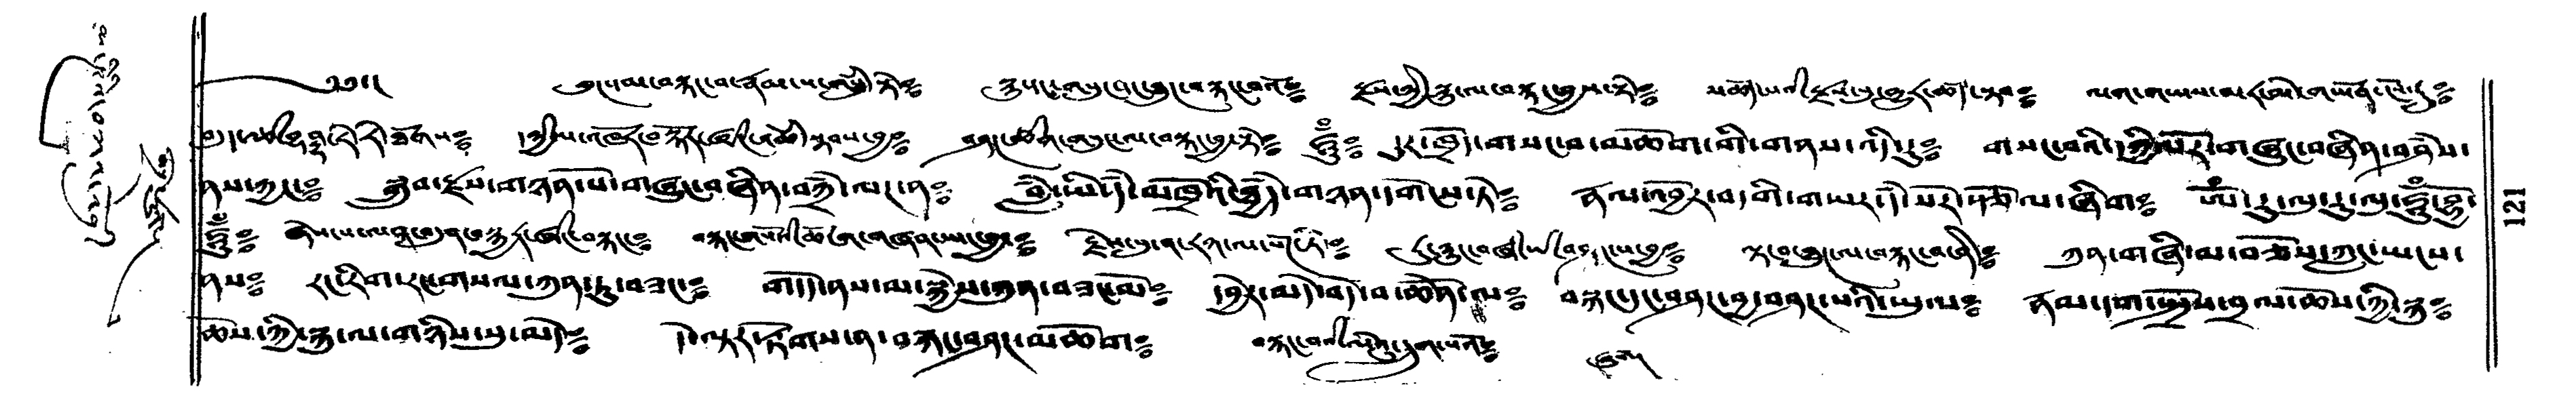ཐུགས་དམ་བསྐང་བ་རྣམ་པ་གསུམ་སྟེ༔ སྐུ་དང་གསུང་དང་ཐུགས་བསྐང་བའོ༔ རྫས་ཀྱིས་སྐུ་ལ་བསྐང་བྱས་སྟེ༔ མཆོད་པའི་རྫས་སུ་གྱུར་ཚད་བསྟབ༔ ལག་གཡས་མར་མེ་གཡོན་ངོས་སུ༔ 
བདུད་རྩི་བྷནྡྷ་རེ་རེ་ཐཽགས༔ དཀྱིལ་འཁོར་བསྐོར་ཞིང་འཆམ་སྟབས་བྱ༔ བཤགས་ཚིག་གསུང་ལ་བསྐང་བྱ་སྟེ༔ ཧཱུྃཿ དུར་ཁྲོད་གསང་བ་མཆོག་གི་གནས་འདི་རུ༔ གསང་བའི་དཀྱིལ་འཁོར་གཞུང་བཞིན་བཤམས་
ནས་ཀྱང༔ སྒྲུབ་རྫས་གཉན་པོ་གཞུང་བཞིན་བཀྲམ་ལགས་ན༔ བླ་མ་ཡི་དམ་མཁའ་འགྲོའི་ཐུགས་དམ་གཉན་དགོངས་ཏེ༔ རྣལ་འབྱོར་བདག་གི་གཡར་དམ་སོར་སྩོལ་ཅིག༔ ཨོཾ་རུ་ལུ་རུ་ལུ་ཧཱུྃ་བྷྱོ་
ཧཱུྃ༔ ཞེས་པ་ལན་བདུན་བསྐྱར་ཞིང་བསྐང༔ བསྐང་གསོའི་ཆོ་ག་གཞན་ཡང་བྱ༔ རྗེས་སུ་ན་རཀ་ལ་སོགས་ཏེ༔ རུ་ཟུང་བཞི་ཡི་བཤགས་པ་བྱ༔ ལྟ་བ་ཐུགས་ལ་བསྐང་བ་ནི༔ ཀུན་གཞི་མ་བཅོས་ཀློང་ཡངས་
ནས༔ རང་རིག་རང་གསལ་ཀུན་ཏུ་བཟང༔ གདོད་ནས་མ་སྐྱེས་ཀུན་བཟང་མོ༔ དབྱེར་མེད་བདེ་བ་ཆེན་པོ་ལ༔ བསྐང་དང་བཤགས་བྱ་བཤགས་པའི་ཡུལ༔ རྣམ་དག་སྤྲོས་བྲལ་ཆོས་ཀྱི་སྐུ༔ 
ཆོས་ཀྱི་སྐུ་ལ་གཉིས་སུ་མེད༔ དེ་ལྟར་རྟོགས་ན་བསྐང་བཤགས་མཆོག༔ བསྐང་བའི་ལེའུ་དྲུག་པའོ༔ དགེའོ།།